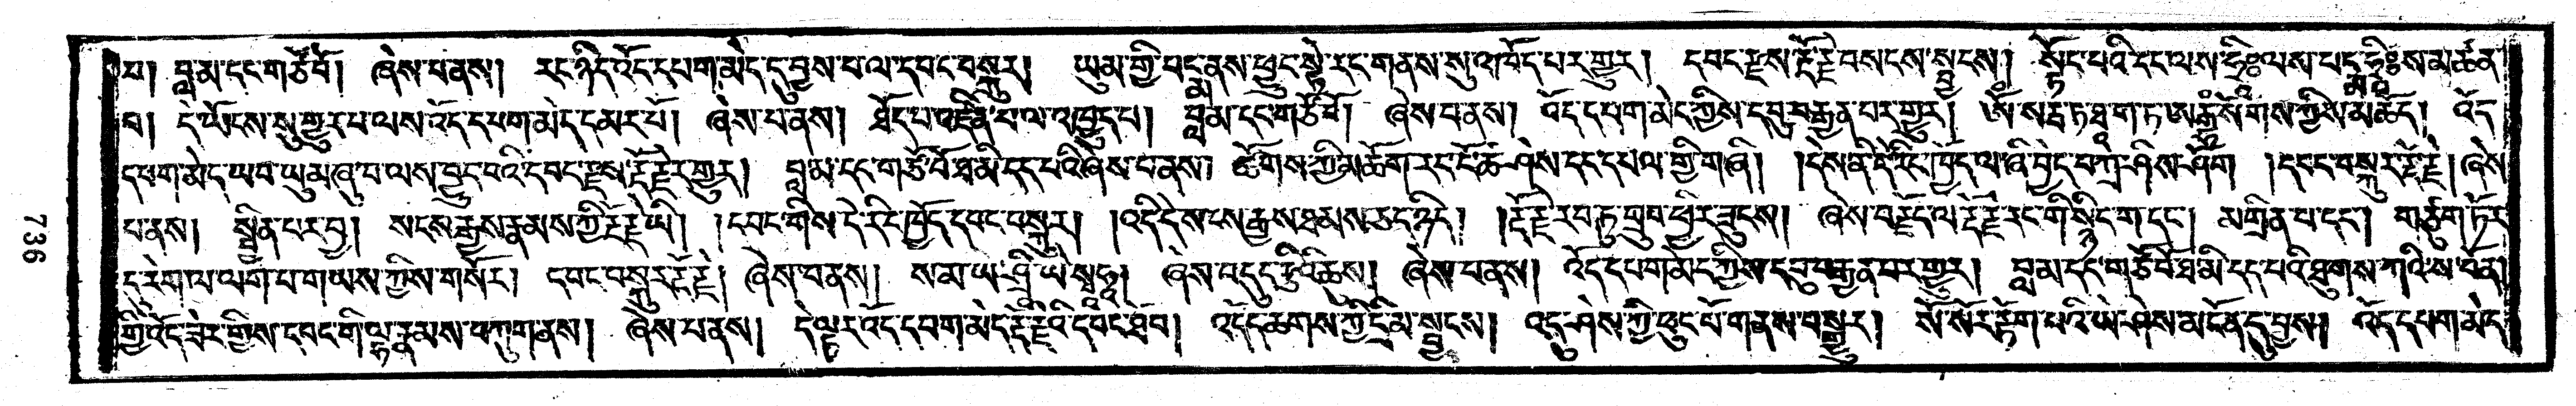པ། བླ་མ་དང་གཙོ་བོ། ཞེས་པ་ནས། རང་ཉིད་འོད་དཔག་མེད་དུ་བྱས་པ་ལ་དབང་བསྐུར། ཡུམ་གྱི་པདམ་ནས་ཕྱུང་སྟེ་རང་གནས་སུ་འཁོད་པར་གྱུར། དབང་རྫས་རྡོ་རྗེ་བསངས་སྦྱངས། སྟོང་པའི་ངང་ལས་ཧྲཱིཿ ལས་པདམ་ཧྲཱིཿས་མཚན་
བ། དེ་ཡོངས་སུ་གྱུར་པ་ལས་འོད་དཔག་མེད་དམར་པོ། ཞེས་པ་ནས། ཐོད་པ་འཛིན་པ་ལ་འཁྱུད་པ། བླ་མ་དང་གཙོ་བོ། ཞེས་པ་ནས། འོད་དཔག་མེད་ཀྱིས་དབུ་བརྒྱན་བར་གྱུར། ཨོཾ་སརྦ་ཏ་ཐཱ་ག་ཏ་ཨརྒྷཾ་སོགས་ཀྱིས་མཆོད། འོད་
དཔག་མེད་ཡབ་ཡུམ་ཞུ་བ་ལས་བྱུང་བའི་དབང་རྫས་རྡོ་རྗེར་གྱུར། བླ་མ་དང་གཙོ་བོ་ཐ་མི་དད་པའི་ཞེས་པ་ནས། ཚོགས་ཀྱི་མཆོག་རང་ངོ་ཆེ་ཤེས་དང་དཔལ་གྱི་གཞི། །དེས་ནི་དེ་རིང་ཁྱོད་ལ་ཞི་བྱེད་བཀྲ་ཤིས་ཤོག །དབང་བསྐུར་རྡོ་རྗེ། ཞེས་
པ་ནས། སྦྱིན་པར་བྱ། སངས་རྒྱས་རྣམས་ཀྱི་རྡོ་རྗེ་ཡི། །དབང་གིས་དེ་རིང་ཁྱོད་དབང་བསྐུར། །འདི་དེ་སངས་རྒྱས་ཐམས་ཅད་ཉིད། །རྡོ་རྗེ་རབ་ཏུ་གྲུབ་ཕྱིར་ཟུངས། ཞེས་བརྗོད་ལ་རྡོ་རྗེ་རང་གི་སྙིང་ག་དང་། མགྲིན་པ་དང་། གཙུག་ཏོར་
དུ་རེག་ལ་ལག་པ་གཡས་ཀྱིས་གསོར། དབང་བསྐུར་རྡོ་རྗེ། ཞེས་པ་ནས། ས་མ་ཡ་ཤྲཱི་ཡེ་སྭཱཧཱ། ཞེས་བདུད་རྩིའི་ཆུས། ཞེས་པ་ནས། འོད་དཔག་མེད་ཀྱིས་དབུ་བརྒྱན་པར་གྱུར། བླ་མ་དང་གཙོ་བོ་ཐ་མི་དད་པའི་ཐུགས་ཀའི་ས་བོན།
གྱི་འོད་ཟེར་གྱིས་དབང་གི་ལྷ་རྣམས་བཀུག་ནས། ཞེས་པ་ནས། དེ་ལྟར་འོད་དཔག་མེད་རྡོ་རྗེའི་དབང་ཐོབ། འདོད་ཆགས་ཀྱི་དྲི་མ་སྦྱངས། འདུ་ཤེས་ཀྱི་ཕུང་པོ་གནས་བསྒྱུར། སོ་སོར་རྟོག་པའི་ཡེ་ཤེས་མངོན་དུ་བྱས། འོད་དཔག་མེད་